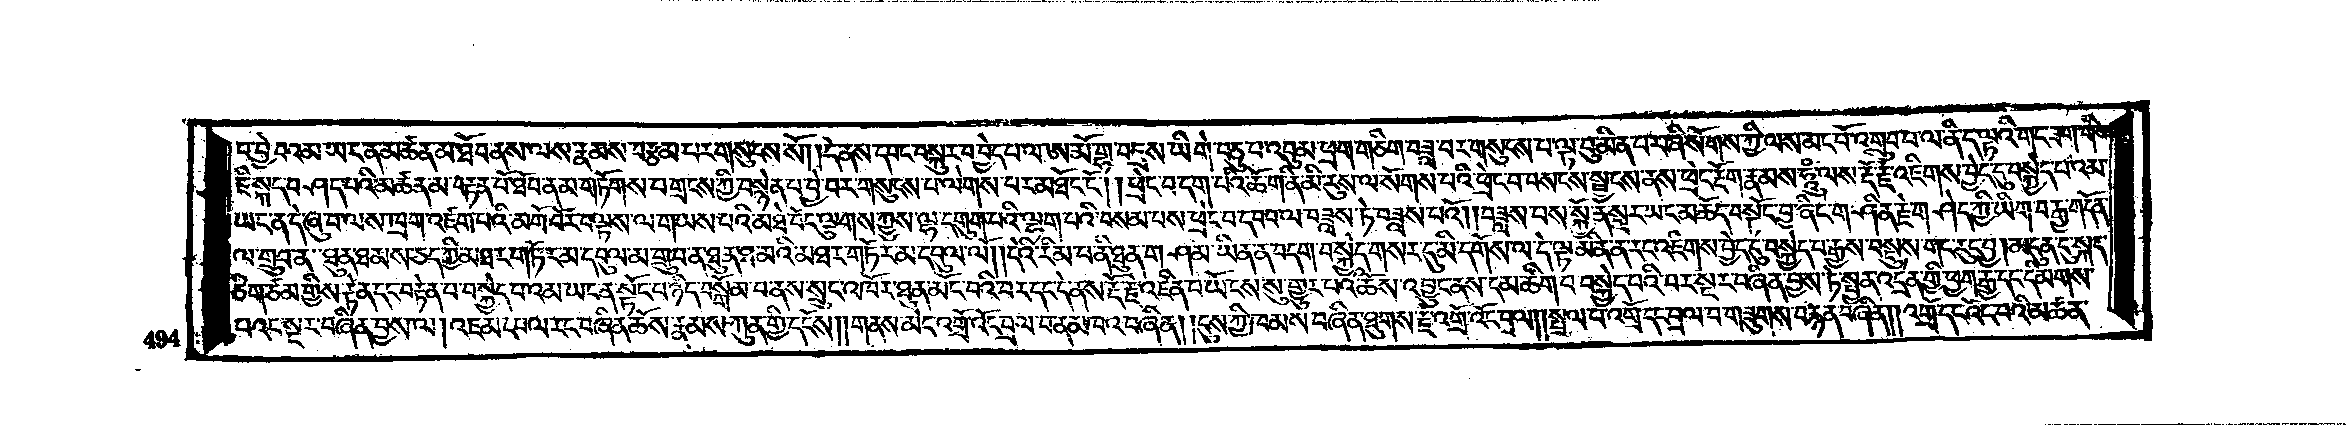པ་བྱེ་བའམ་ཡང་ན་མཚན་མ་ཐོབ་ནས་ལས་རྣམས་བརྩམ་པར་གསུངས་སོ། །དེ་ནས་དབང་བསྐུར་བ་བྱེད་པ་ལ་ཨ་མོ་གྷ་བཛྲས་ཡི་གེ་བཅུ་པ་འབུམ་ཕྲག་གཅིག་བཟླ་བར་གསུངས་པ་ལྟ་བུ་མིན་པར་ཞི་སོགས་ཀྱི་ལས་མང་པོ་འགྲུབ་པ་ལ་ནི་ད་ལྟའི་གང་ཟག་གིས་
ཇི་སྐད་བཤད་པའི་མཚན་མ་བརྟན་པོ་ཐོབ་ན་མ་གཏོགས་པ་གྲངས་ཀྱི་བསྙེན་པ་བྱེ་བར་གསུངས་པ་ལེགས་པར་མཐོང་ངོ། །ཕྲེང་བ་དག་པའི་ཆོ་ག་ནི་མི་རུས་ལ་སོགས་པའི་ཕྲེང་བ་བསངས་སྦྱངས་ནས་ཕྲེང་རྡོག་རྣམས་ཧཱུཾ་ལས་རྡོ་རྗེ་འཇིགས་བྱེད་དུ་བསྐྱེད་པ་འམ་
ཡང་ན་དེ་ཞུ་བ་ལས་ཁྲག་འཛག་པའི་མགོ་བོར་བལྟས་ལ་གཡས་པའི་མཐེ་བོང་ལྕགས་ཀྱུས་ལྷ་དགུག་པའི་ལྷག་པའི་བསམ་པས་ཕྲེང་བ་དབབ་ལ་བཟླས་ཏེ་བཟླས་པའོ། །བཟླས་པས་སྐྱོན་སླར་ཡང་མཆོད་བསྟོད་བྱ་ཞིང་གཤིན་རྗེ་གཤེད་ཀྱི་ཡིག་བརྒྱ་གདོན་
ལ་གྲུབ་ན་ཐུན་ཐམས་ཅད་ཀྱི་མཐར་གཏོར་མ་དབུལ་མ་གྲུབ་ན་ཐུན་ཐ་མའི་མཐར་གཏོར་མ་དབུལ་ལོ། །དེའི་རིམ་པ་ནི་ཐུན་གཤམ་ཡིན་ན་བདག་བསྐྱེད་གསར་དུ་མི་དགོས་ལ་དེ་ལྟ་མིན་ན་རང་འཇིགས་བྱེད་དུ་བསྐྱེད་པ་རྒྱས་བསྡུས་གང་རུང་བྱ། མདུན་དུ་སྐད་
ཅིག་ཙམ་གྱིས་རྟེན་དང་བརྟེན་པ་བསྐྱེད་པ་འམ་ཡང་ན་སྟོང་པ་ཉིད་བསྒོམ་པ་ནས་སྲུང་འཁོར་ཐུན་མོང་བའི་བར་དང་དེ་ནས་རྡོ་རྗེ་འཛིན་པ་ཡོངས་སུ་གྱུར་པའི་ཆོས་འབྱུང་ནས་དམ་ཚིག་པ་བསྐྱེད་པའི་བར་སྔར་བཞིན་བྱས་ཏེ་སྤྱན་འདྲེན་གྱི་ཕྱག་རྒྱ་དང་དམིགས་
པའང་སྔར་བཞིན་བྱས་ལ། འཇམ་དཔལ་རང་བཞིན་ཆོས་རྣམས་ཀུན་གྱི་དངོས། །གནས་མེད་འགྲོ་འོང་བྲལ་བ་ནམ་མཁའ་བཞིན། །དུས་ཀྱི་ཁམས་བཞིན་ཐུགས་རྗེ་འགྲོ་འོང་བུལ། །སྤྲུལ་པ་འགྲོ་དང་བྲལ་བ་གཟུགས་བརྙན་བཞིན། །འགྲོ་དང་འོང་བའི་མཚན་